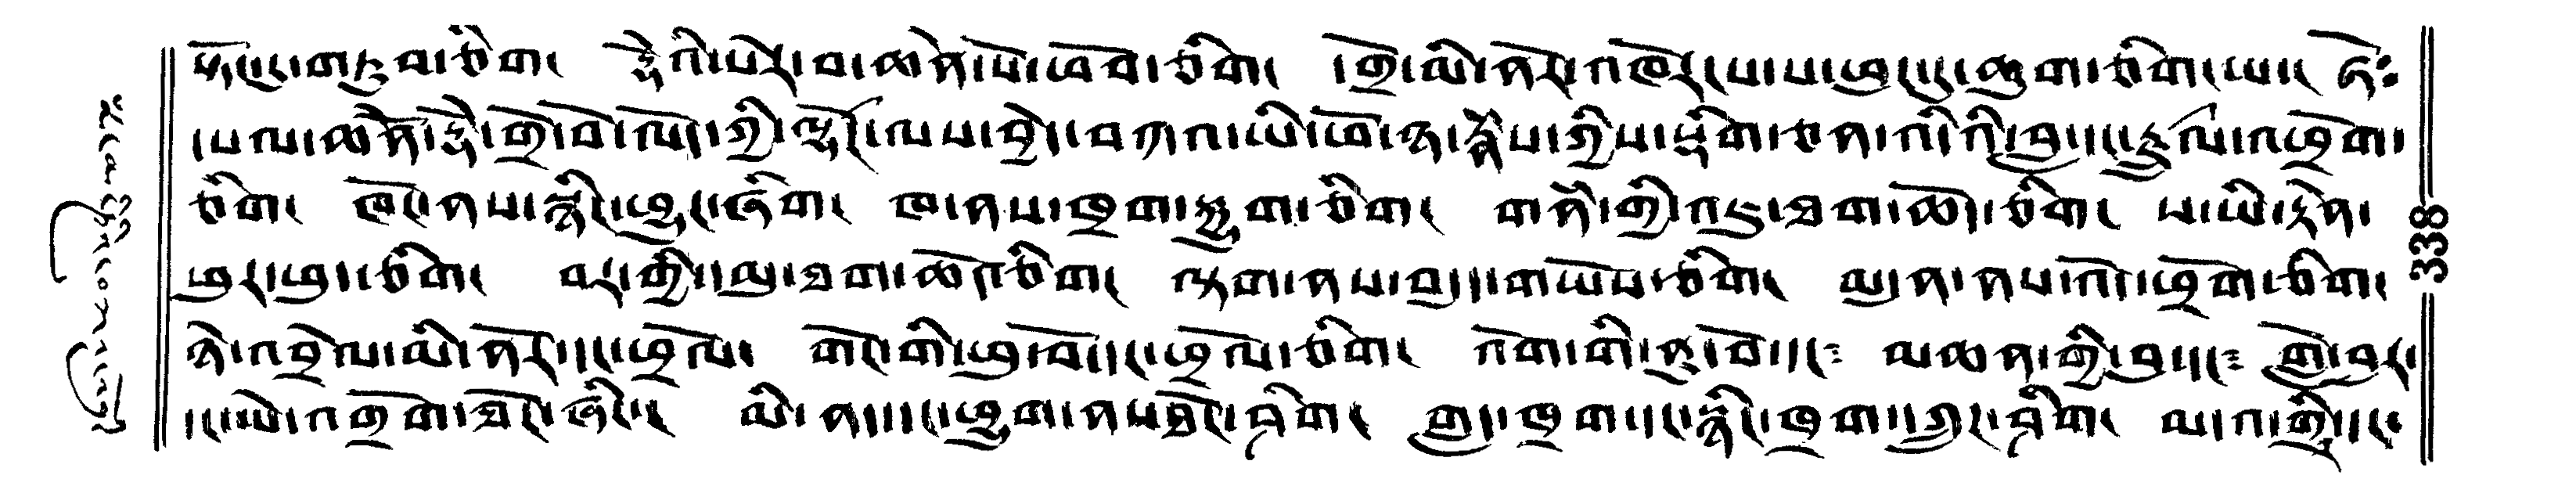སྟོང་དུ་གཏུབ་ཅིག རྡོ་རྗེའི་སེར་བ་ཆེན་པོ་ཕོབ་ཅིག དགྲ་བོ་མི་ནོར་འཁོར་དང་བཅས་པ་ཕུང་དུ་ཆུག་ཅིག་ཡ། ཧོཿ 
དཔལ་ཆེན་པོ་རྡོ་རྗེ་གྲོ་བོ་ལོད་ཀྱི་ལྷ་ཚོགས་ལས་བྱེད་བཀའ་ཡི་ཕོ་ཉ་རྣམས་ཀྱིས་སྡིག་ཅན་འདིའི་བླ་དང་རྫུ་འཕྲུལ་ཕྲོག་
ཅིགཁོང་ནས་སྙིང་ཕྱུང་ཞིག ཁ་ནས་ཁྲག་སྐྱུག་ཅིག གནམ་གྱི་འཇུ་ཐག་ཆོད་ཅིག ས་ཡི་རྟེན་
ཕུར་ཕུད་ཅིག བར་གྱི་དམུ་ཐག་ཆོད་ཅིག ལྟག་ནས་བདུད་གཡོས་ཅིག མདུན་ནས་འོད་ཕྲོག་ཅིག 
ཉེ་འབྲེལ་མི་ནོར་དང་ཕྲོལ། གོང་གི་ཕུ་བོ་དང་ཕྲོལ་ཅིག འོག་གི་ནུ་བོ་དང༴ མཆན་གྱི་བུ་དང༴ གློ་བུར་
དང་ཡེ་འགྲོག་ཐོངས་ཤིག མི་ནད་དང་ཕྱུགས་ནད་ཐོངས་ཤིག ཀླད་ཁྲག་དང་སྙིང་ཁྲག་དཀྲུགས་ཤིག མདའ་གྲི་དང་མདུང་གྲིར་